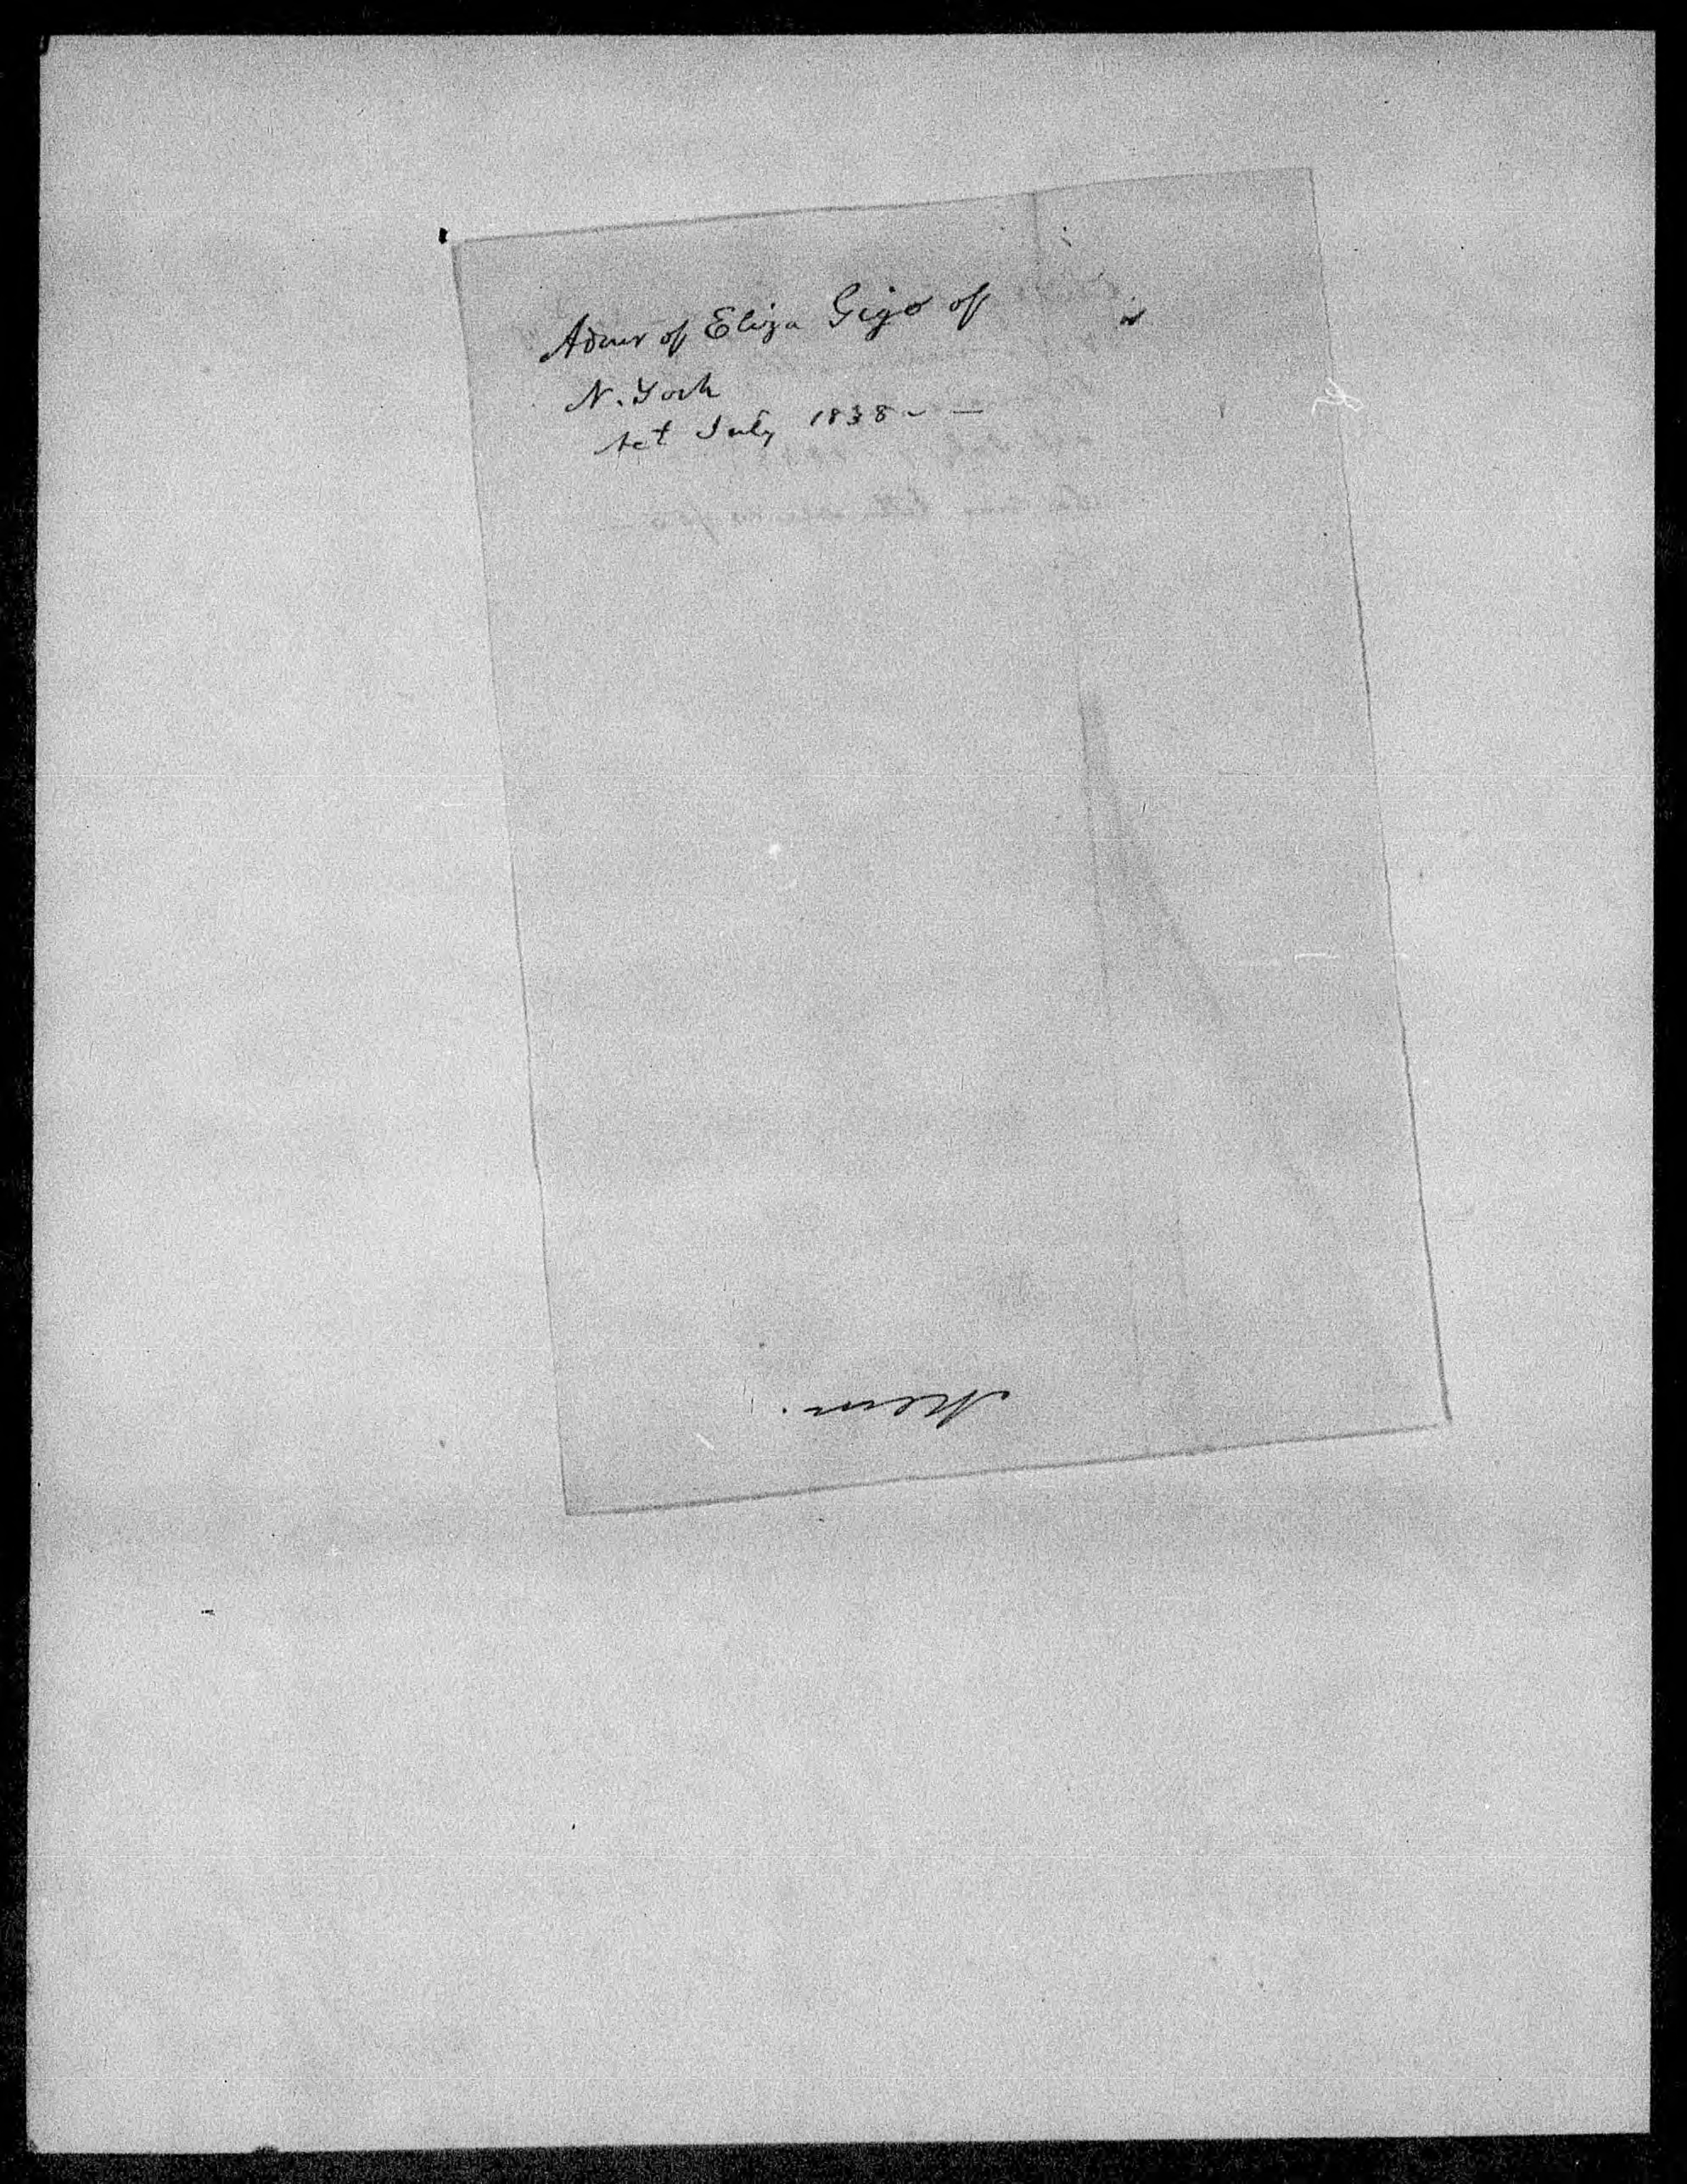Attny of Eliza Gigo of N. York
Act July 1838 -

[illegible]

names: Eliza Gigo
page: 21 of 98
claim: widow's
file: W. 21182, Francis Gigo, Continental (Canadian)